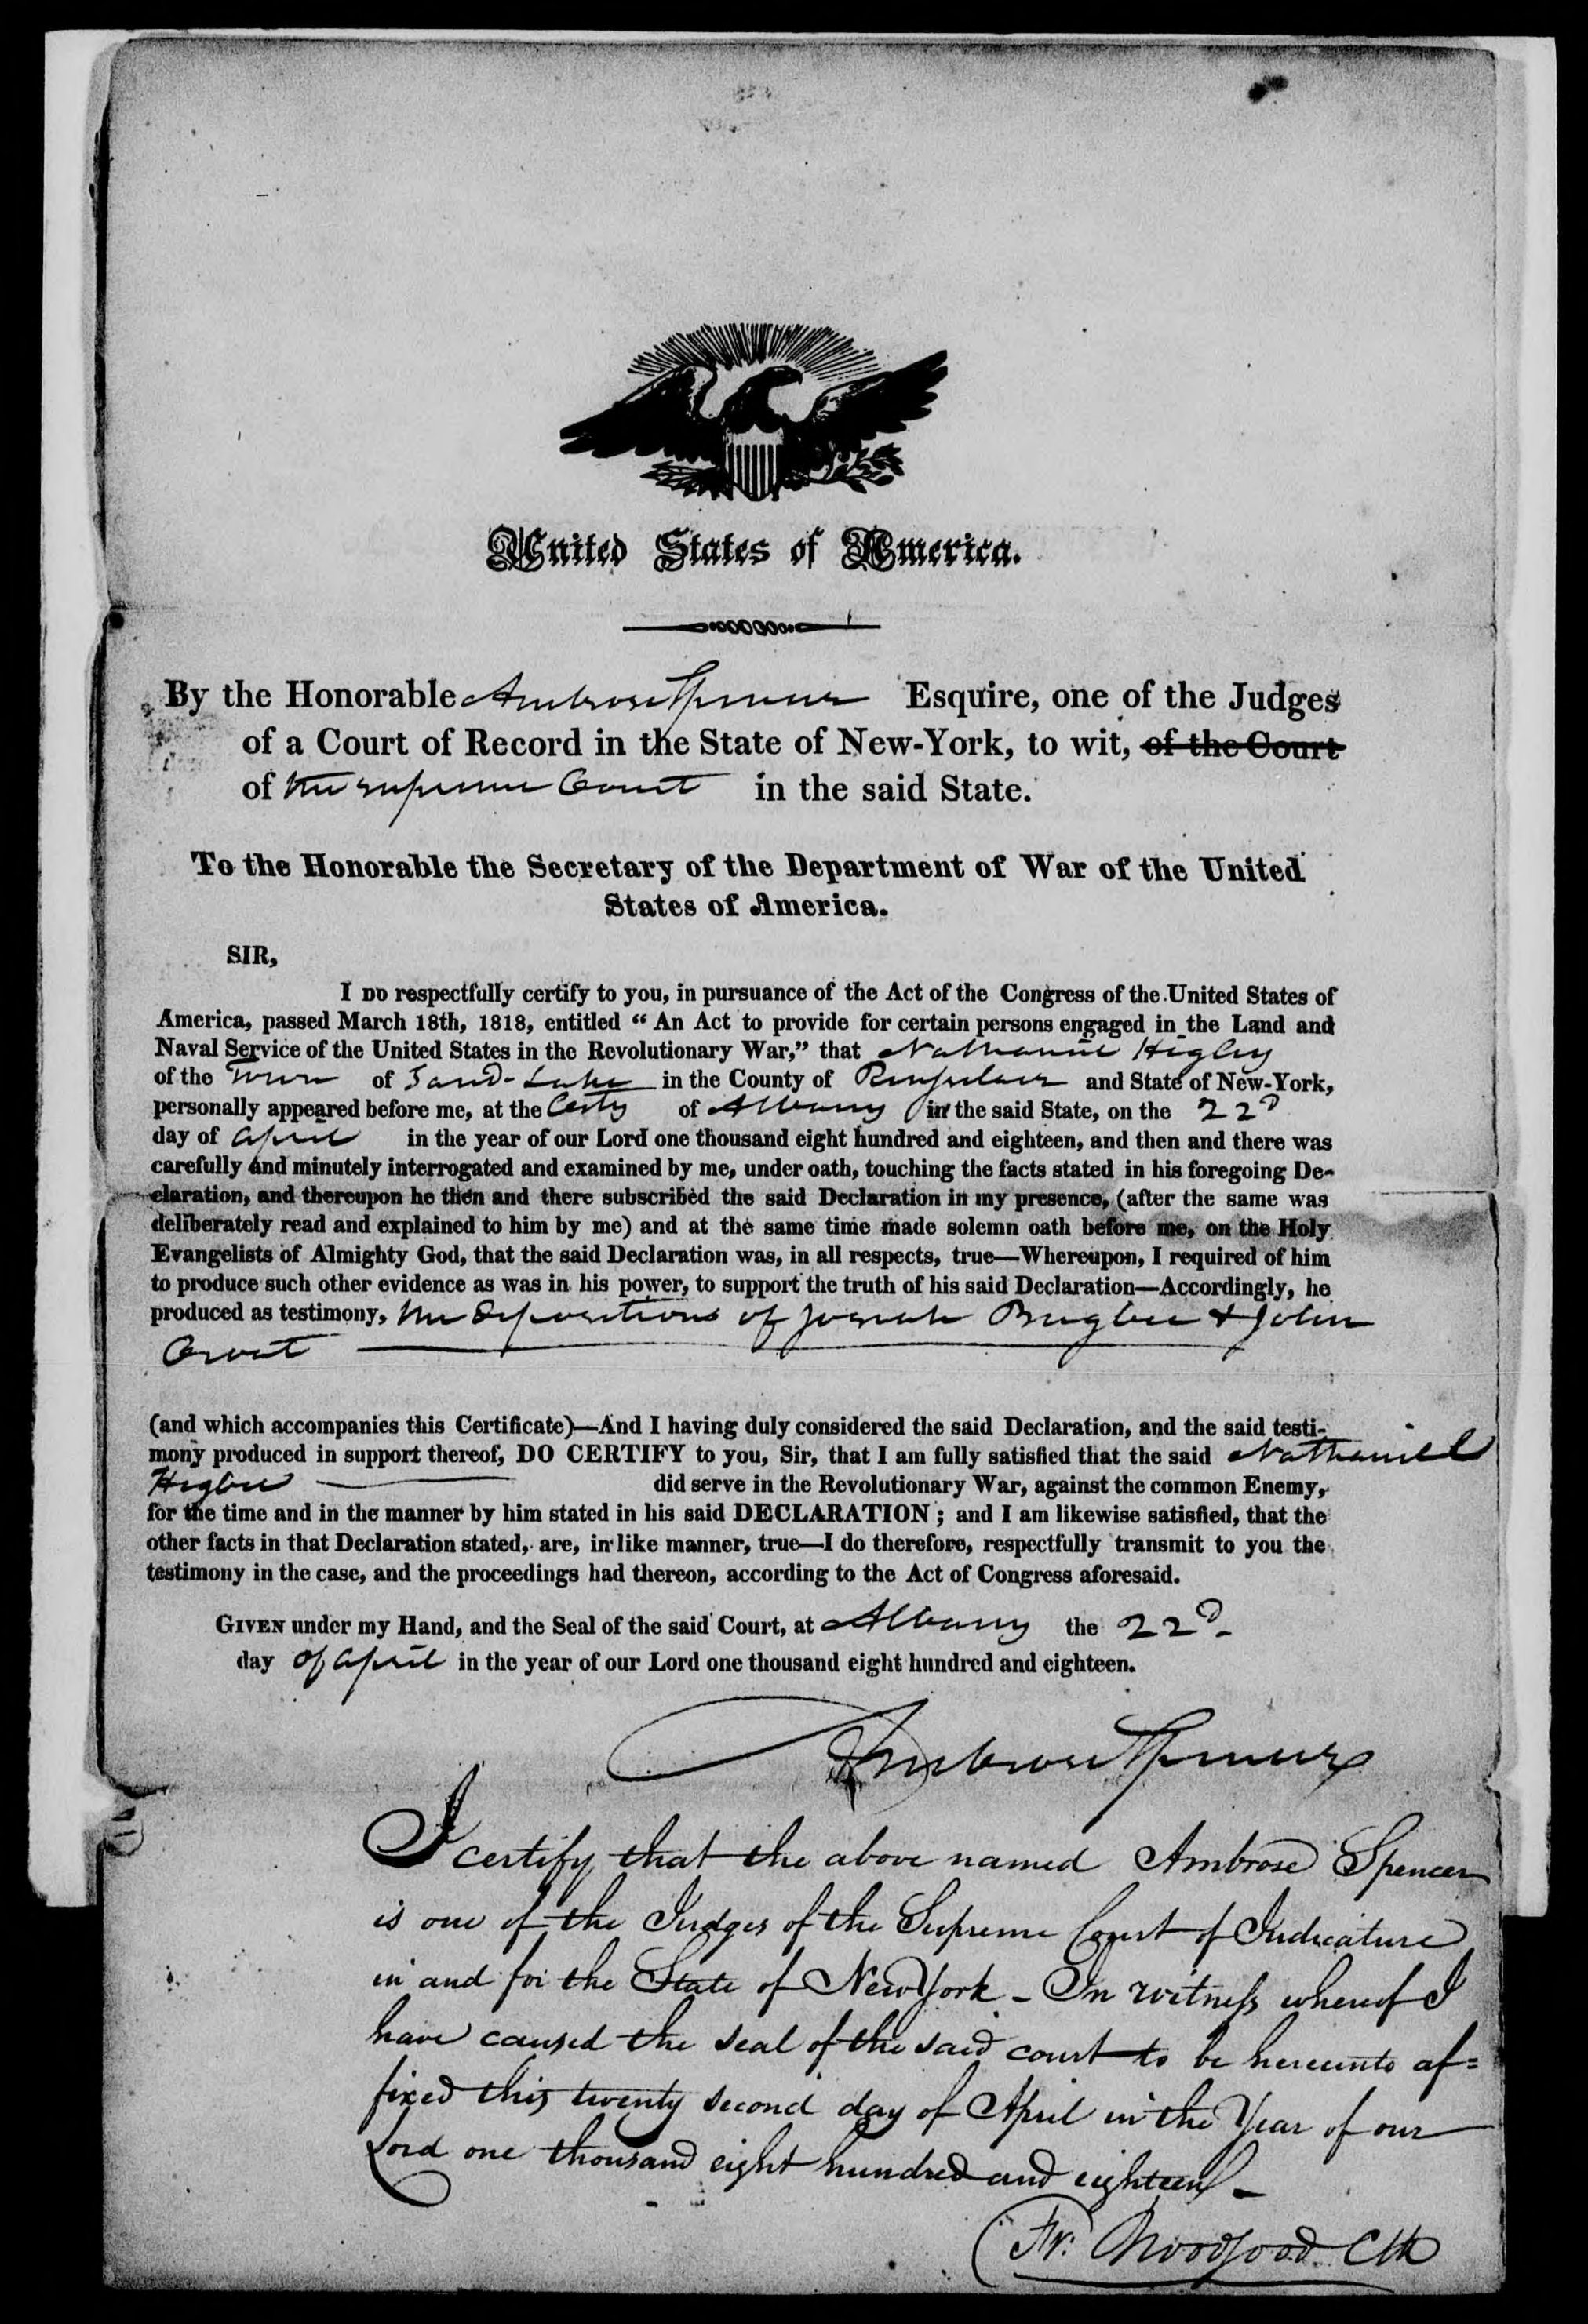United States of America.

By the Honorable Ambrose Spencer Esquire, one of the Judges of a Court of Record in the State of New-York, to with, [strikethrough] of the Court [strikethrough] of the supreme Court in the said State.

To the Honrable the Secretary of the Department of War of the United States of America.

Sir,
I no respectfully certify to you, in pursuance of the Act of the Congress of the United States of America, passed March 18th, 1818, entitled "An Act to provide for certain persons engaged in the Land and Naval Service of the United States in the Revolutionary War," that Nathaniel Higby of the town of Sand-Lake in the County of Rensselaer and State of New-York, personally appeared before me, at the City of Albany in the said State, on the 22nd day of April in the year of our Lord one thousand eight hundred and eighteen, and then and there was carefully and minutely interrogated and examined by me, under oath, touching the facts stated in his foregoing Declaration, and threupon he then and there subscribed the said Declaration in my presence, (after the same was deliberately read and explained to him by me) and at the same time made solemn oath before me, on the Holy Evangelists of Almighty God, that the sadi Declaration was, in all respects, true - Whereupon, I required of him to produce such other evidence as was in his power, to support the truth of his said Declaration - Accordingly, he produced as testimony, The Depositions of Josiah Bugebee & John Croat
(and which accompanies this Certificate) - And I having duly considered the said Declaration, and the said testimony produce in support thereof, DO CERTIFY to you, Sir, that I am fully satisfied that the said Nathaniel Higbee did serve in the Revolutionary War, against the common Enemy, for the time and in the manner by him stated in his said DECLARATION; and I am likewise satisfied, that the other facts in that Declaration stated, are, in like manner, true - I do therefore, respectfully transmit to you the testimony in the case, and the proceedings had thereon, according to the Act of Congress aforesaid.

Given under my Hand, and the Seal of the said Court, at Albany the 22nd day of April in the year of our Lord one thousand eight hundred and eighteen.

Ambrose Spencer
I certify that the above named Ambrose Spencer is one of the Judges of the Supreme Court of Judicature in and for the State of New York. In witness whereof I have caused the deal of the said court to be hereinto affixed this twenty second day of April in the Year of our Lord one thousand eight hundred and eighteen.
Fr: Goodfood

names: John Croat, Ambrose Spencer, Ambrose Spencer, Nathaniel Higbee, Nathaniel Higley, Ambrose Spencer, Fr Bloodgood, Joseph Bugbee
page: 13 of 25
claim: rejected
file: R. 4972, Nathaniel Higby, Conn.